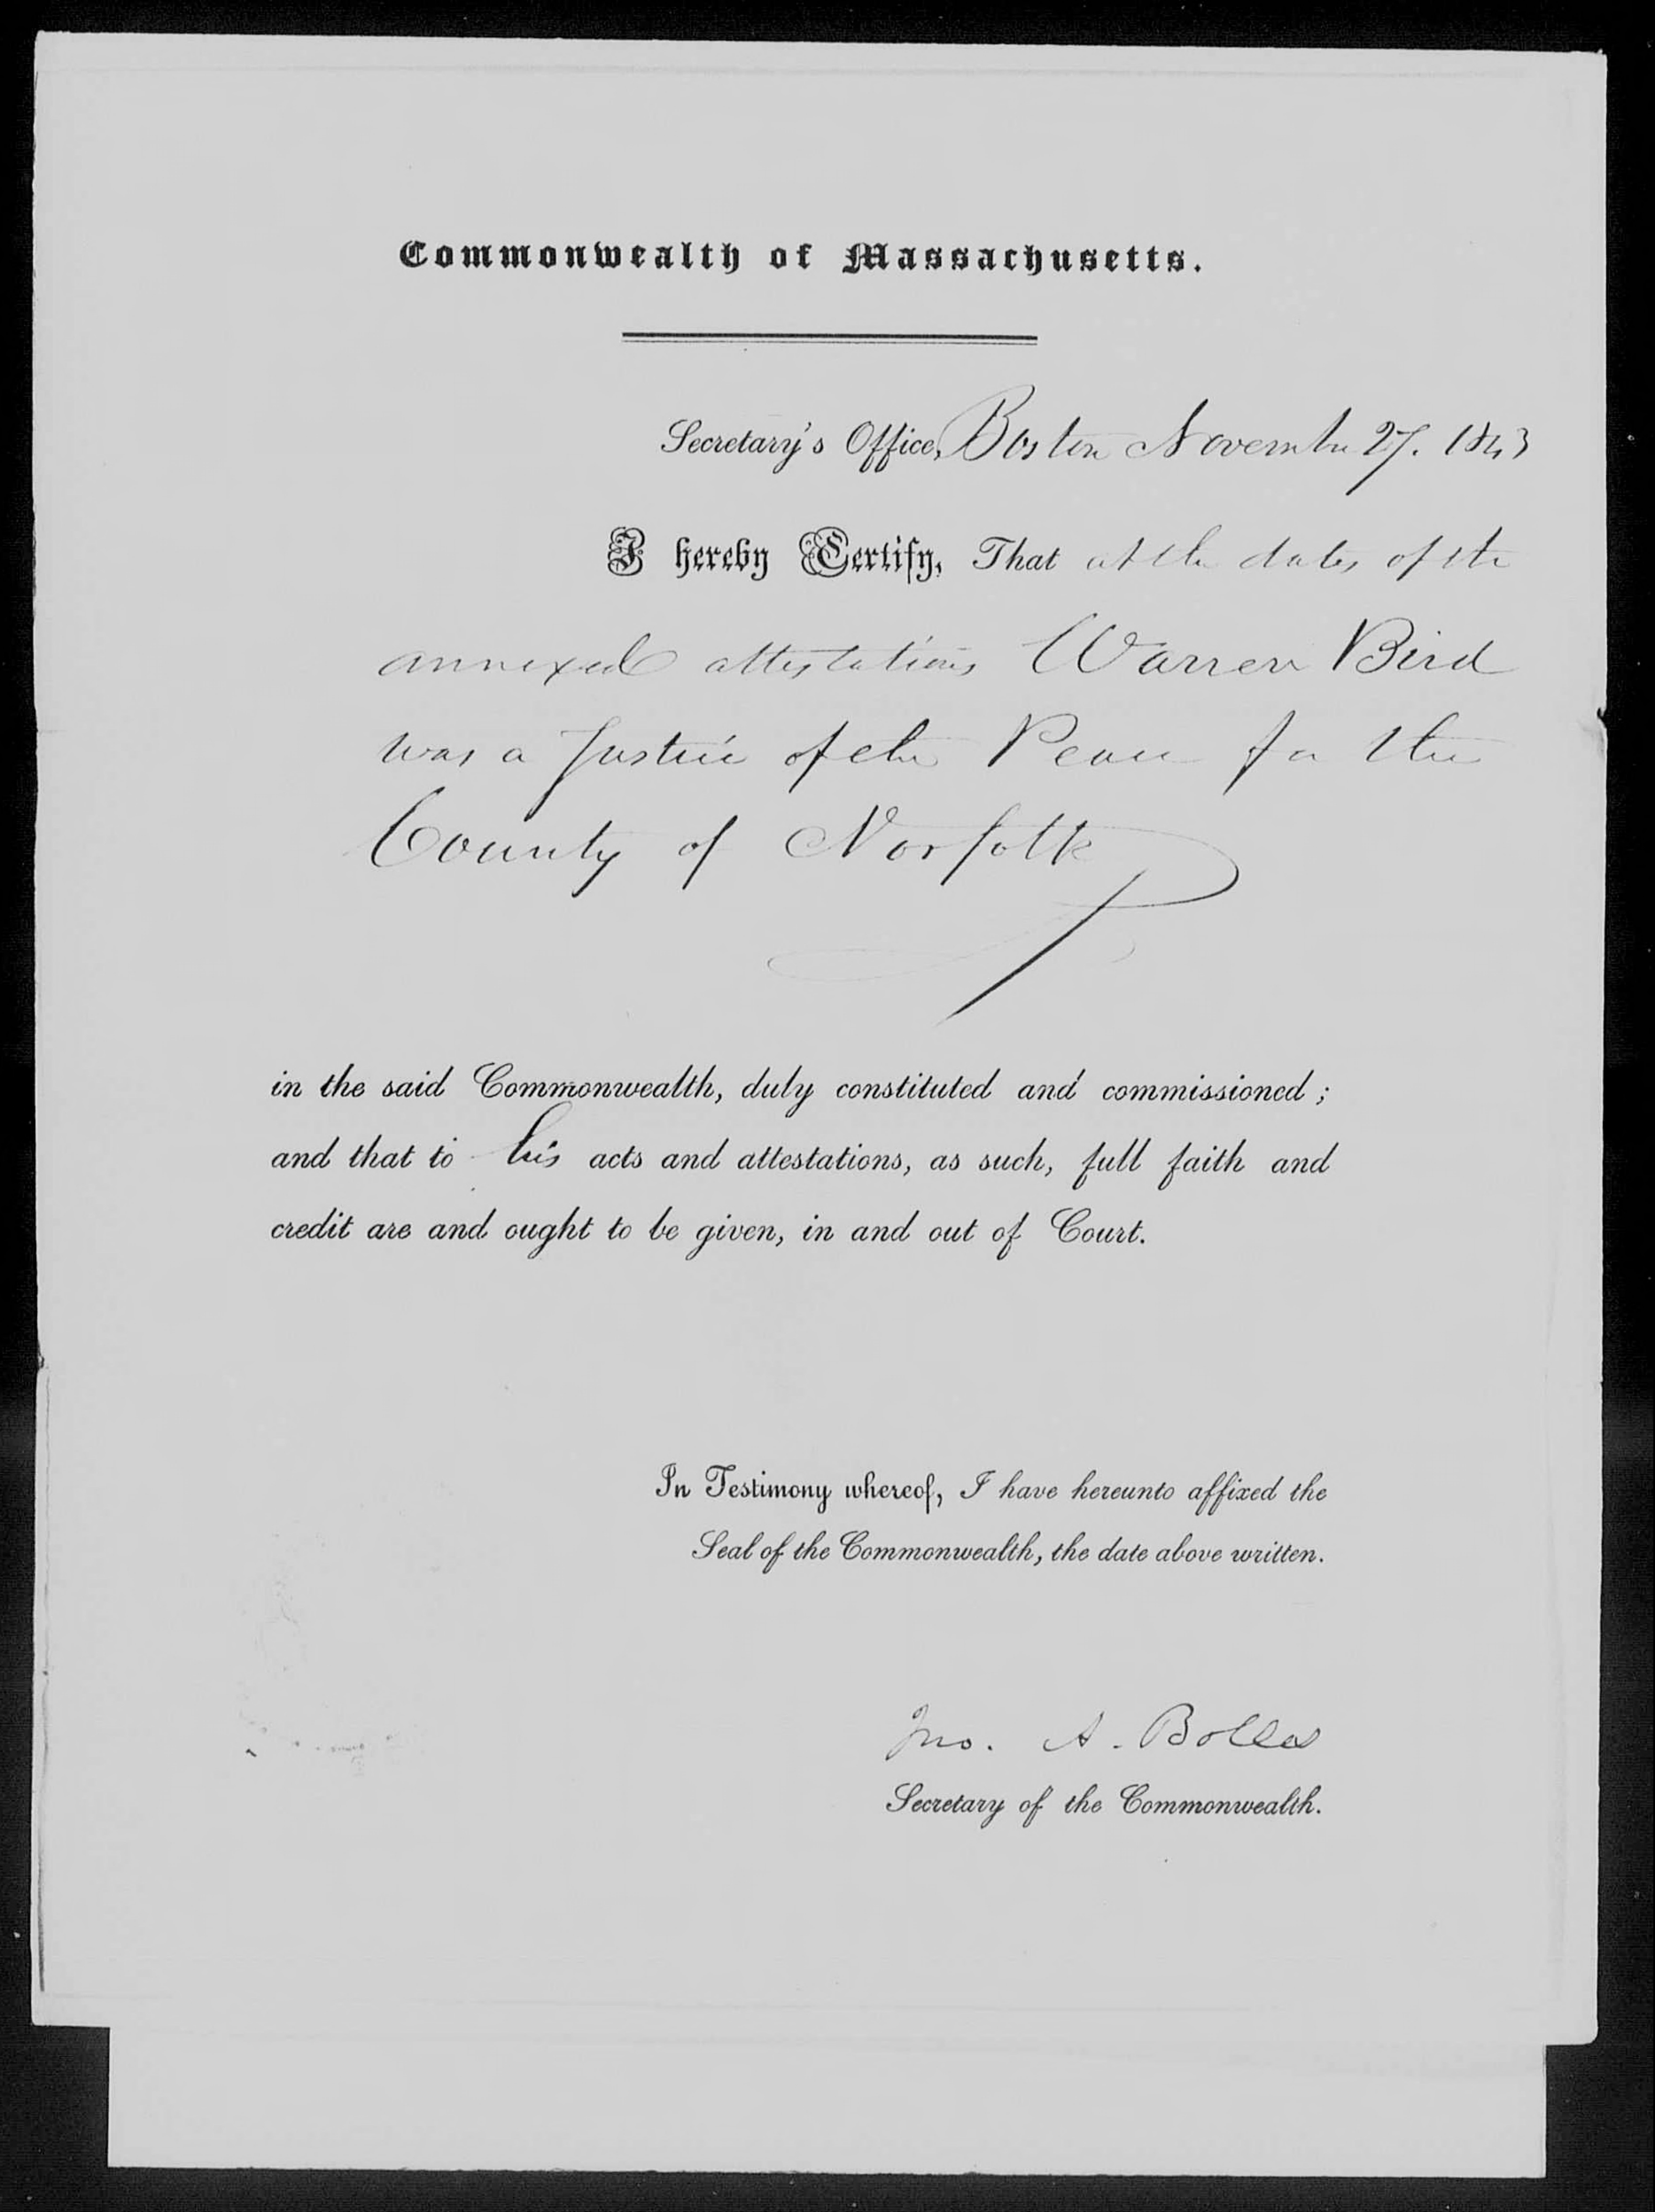Commonwealth of Massachusetts. 
———-
Secretary's Office, Boston November 27. 1843 
I hereby Certify, That at the date of the annexed attestation Warren Bird was a Justice of the Peace for the County of Norfolk in the said Commonwealth, duly constituted and commissioned; and that to his acts and attestations, as such, full faith and credit are and ought to be given, in and out of Court.

In Testimony whereof, I have hereunto affixed the Seal of the Commonwealth, the date above written.
Jno. A. Bolles 
Secretary of the Commonwealth.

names: Jno A Bolles, Warren Bird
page: 40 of 45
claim: widow's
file: W. 14,567, Oliver Comee, Mass.